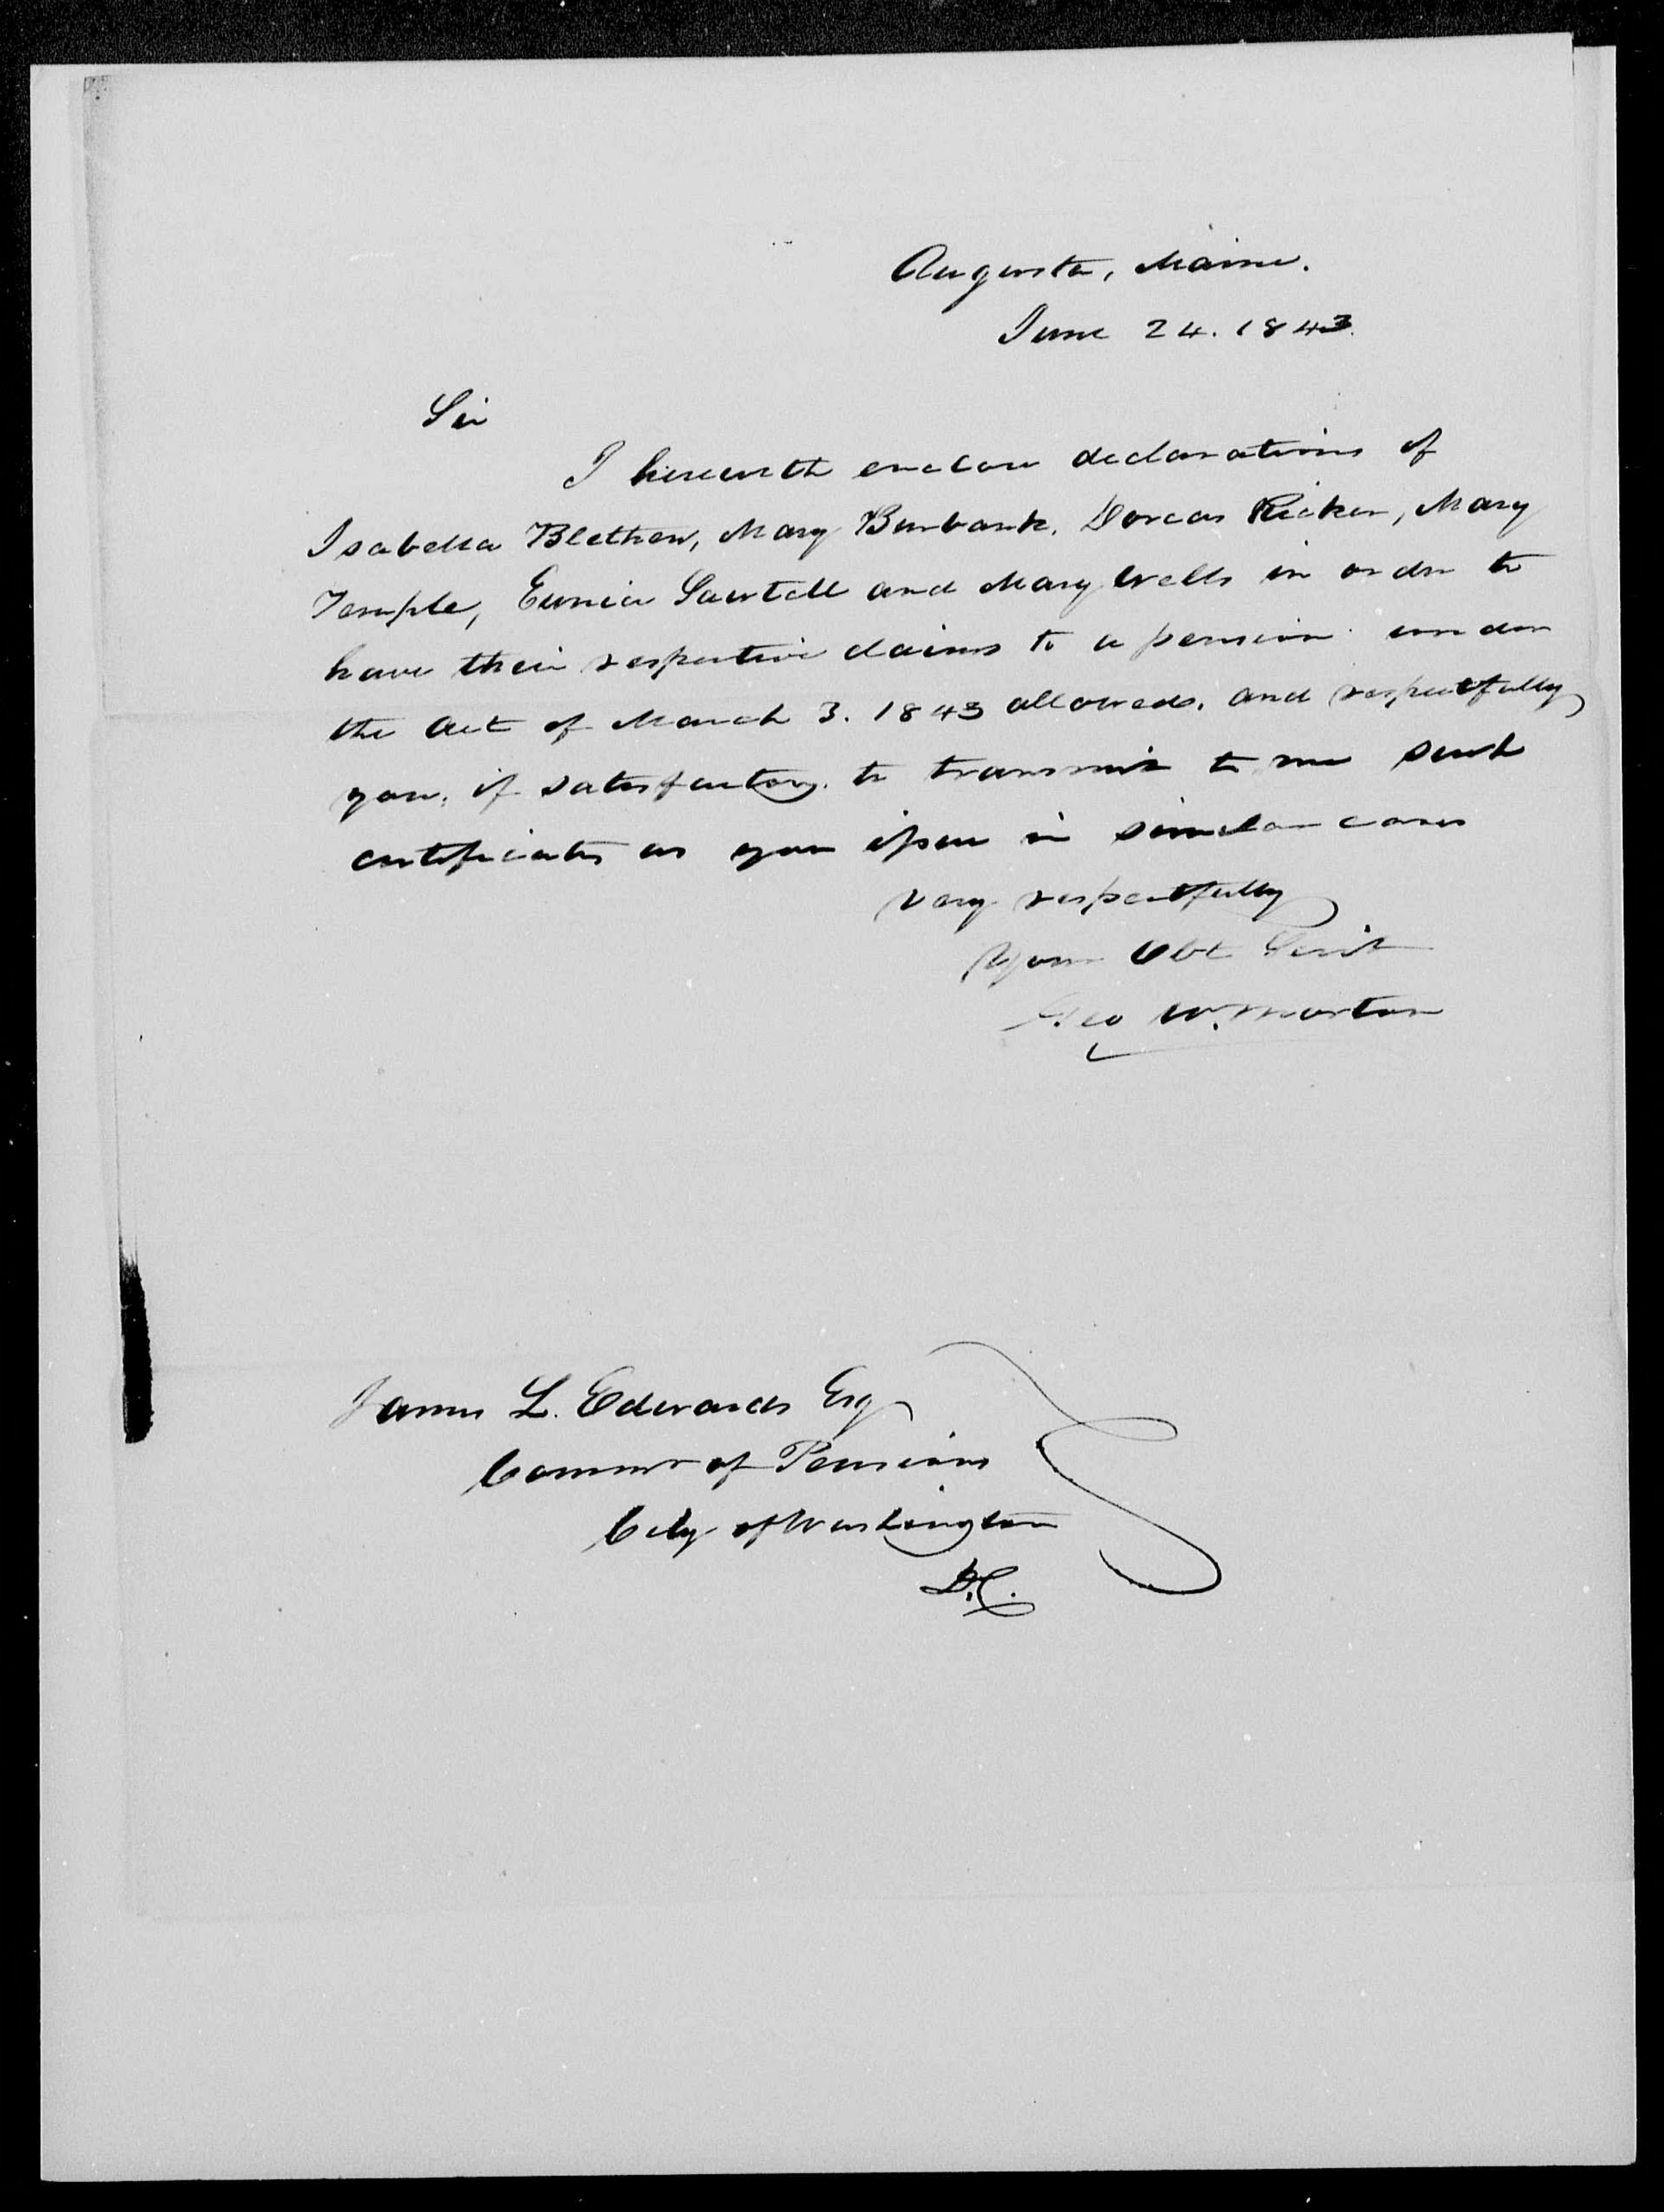Augusta, Maine.
June 24. 1843

Sir
I herewith enclose declarations of
Isabella Blethen, Mary Burbank, Dorcas Ricker, Mary
Temple, Eunice Sawtell and Mary Wells in order to
have their respective claims to a pension under
the Act of March 3. 1843 allowed and respectfully
you if satisfactory to transmit to me such
certificates as you issue in similar cases.
Very respectfully
You Obt Srvt [Obedient Servant]
Geo W. Morton


James L. Edwards Esq
Commr of Pensions
City of Washington
D. C.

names: Mary Wells, Mary Barbar, James L Edwards, Mary Temple, Dorcas Ricker, Eunice Sawtell, Geo W Morton, Isabella Blethen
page: 36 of 39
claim: widow's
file: W. 23,621, Increase Blethen, Mass.